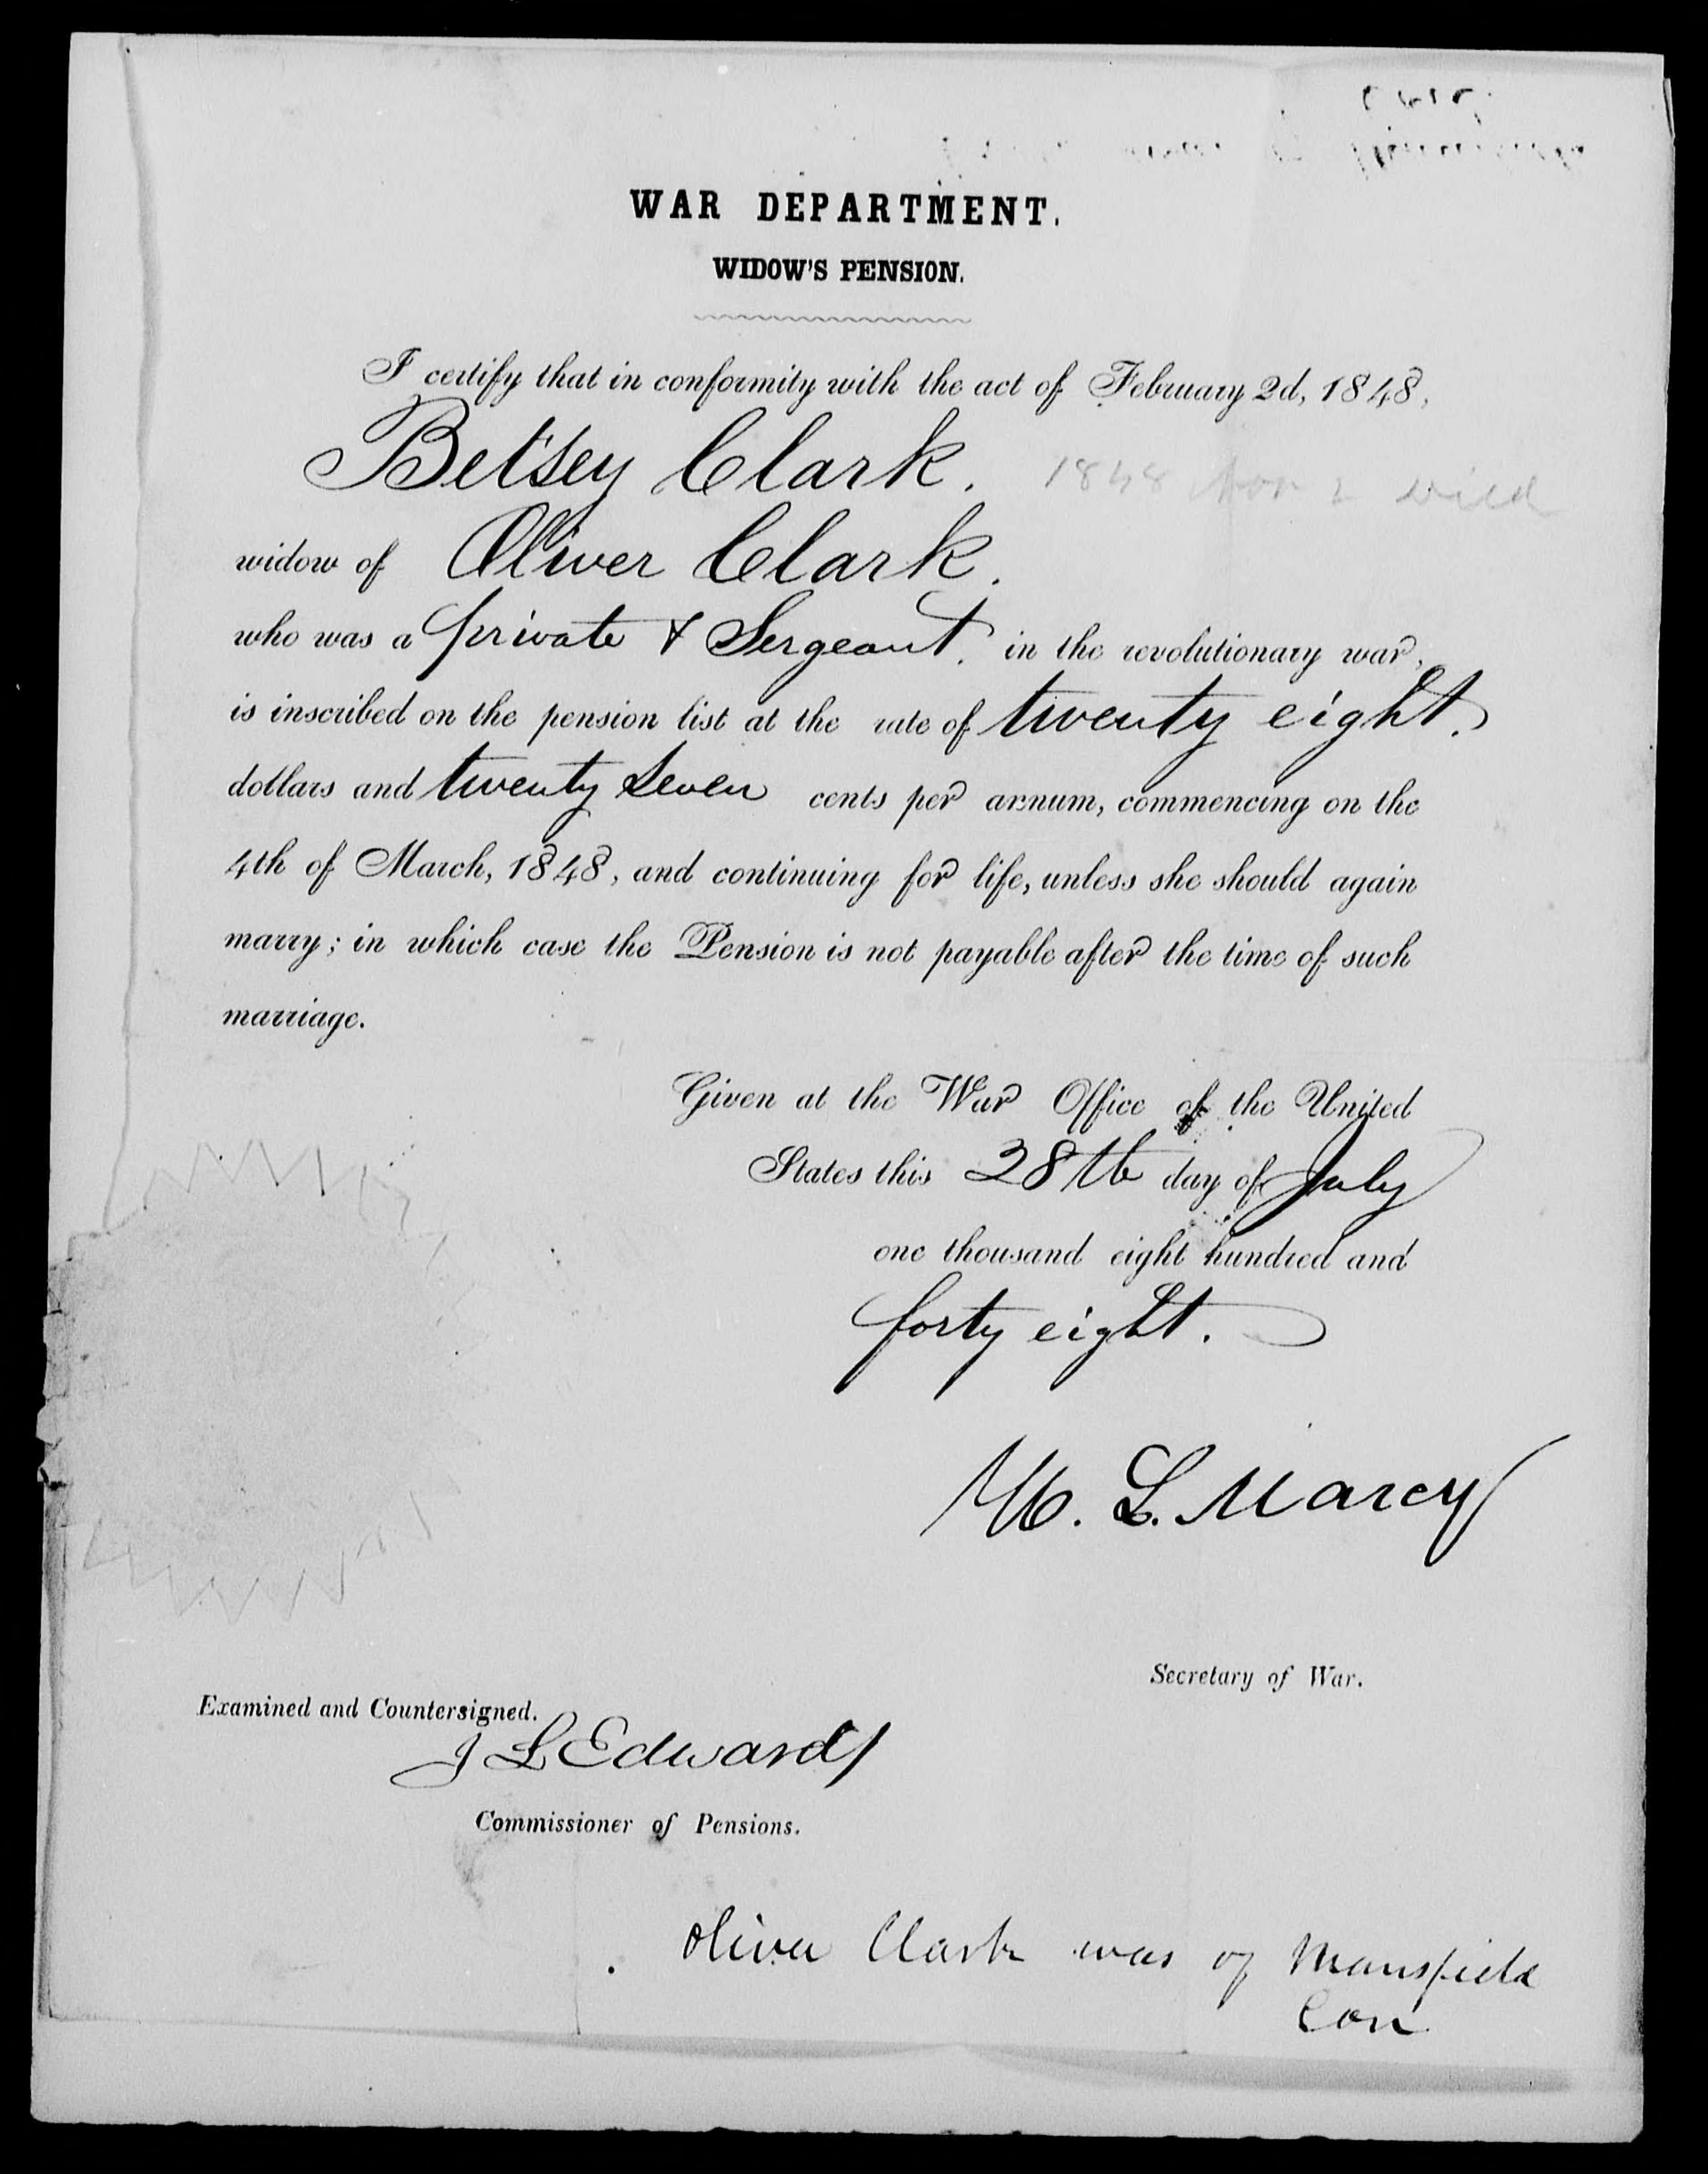[printed form completed in handwriting]
War Department.
Widow’s Pension.
I certify that in conformity with the act of February 2d, 1848,
Betsey Clark. [faint writing to the side stating “1848 Nov 2 Died”]
widow of Oliver Clark. 
who was a private & Sergeant. in the revolutionary war is inscribed on the pension list at the rate of twenty eight dollars and twenty Seven cents per annum, commencing on the 4th of March, 1848, and continuing for life, unless she should again marry; in which case the Pension is not payable after the time of such marriage.
Given at the War Office of the United States the 28th day of July one thousand eight hundred and forty eight.
[signed]
W. L. Marcy
[large star shaped seal next to this signature – illegible print on it]
Examined and Countersigned.
[signed] J. L. Edwards
Commissioner of Pensions.
Oliver Clark was of Mansfield Con.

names: Oliver Clark, Oliver Clark, Betsey Clark, J L Edwards, W L Marcy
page: 51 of 51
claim: widow's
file: W. 23816, Oliver Clark, Conn.